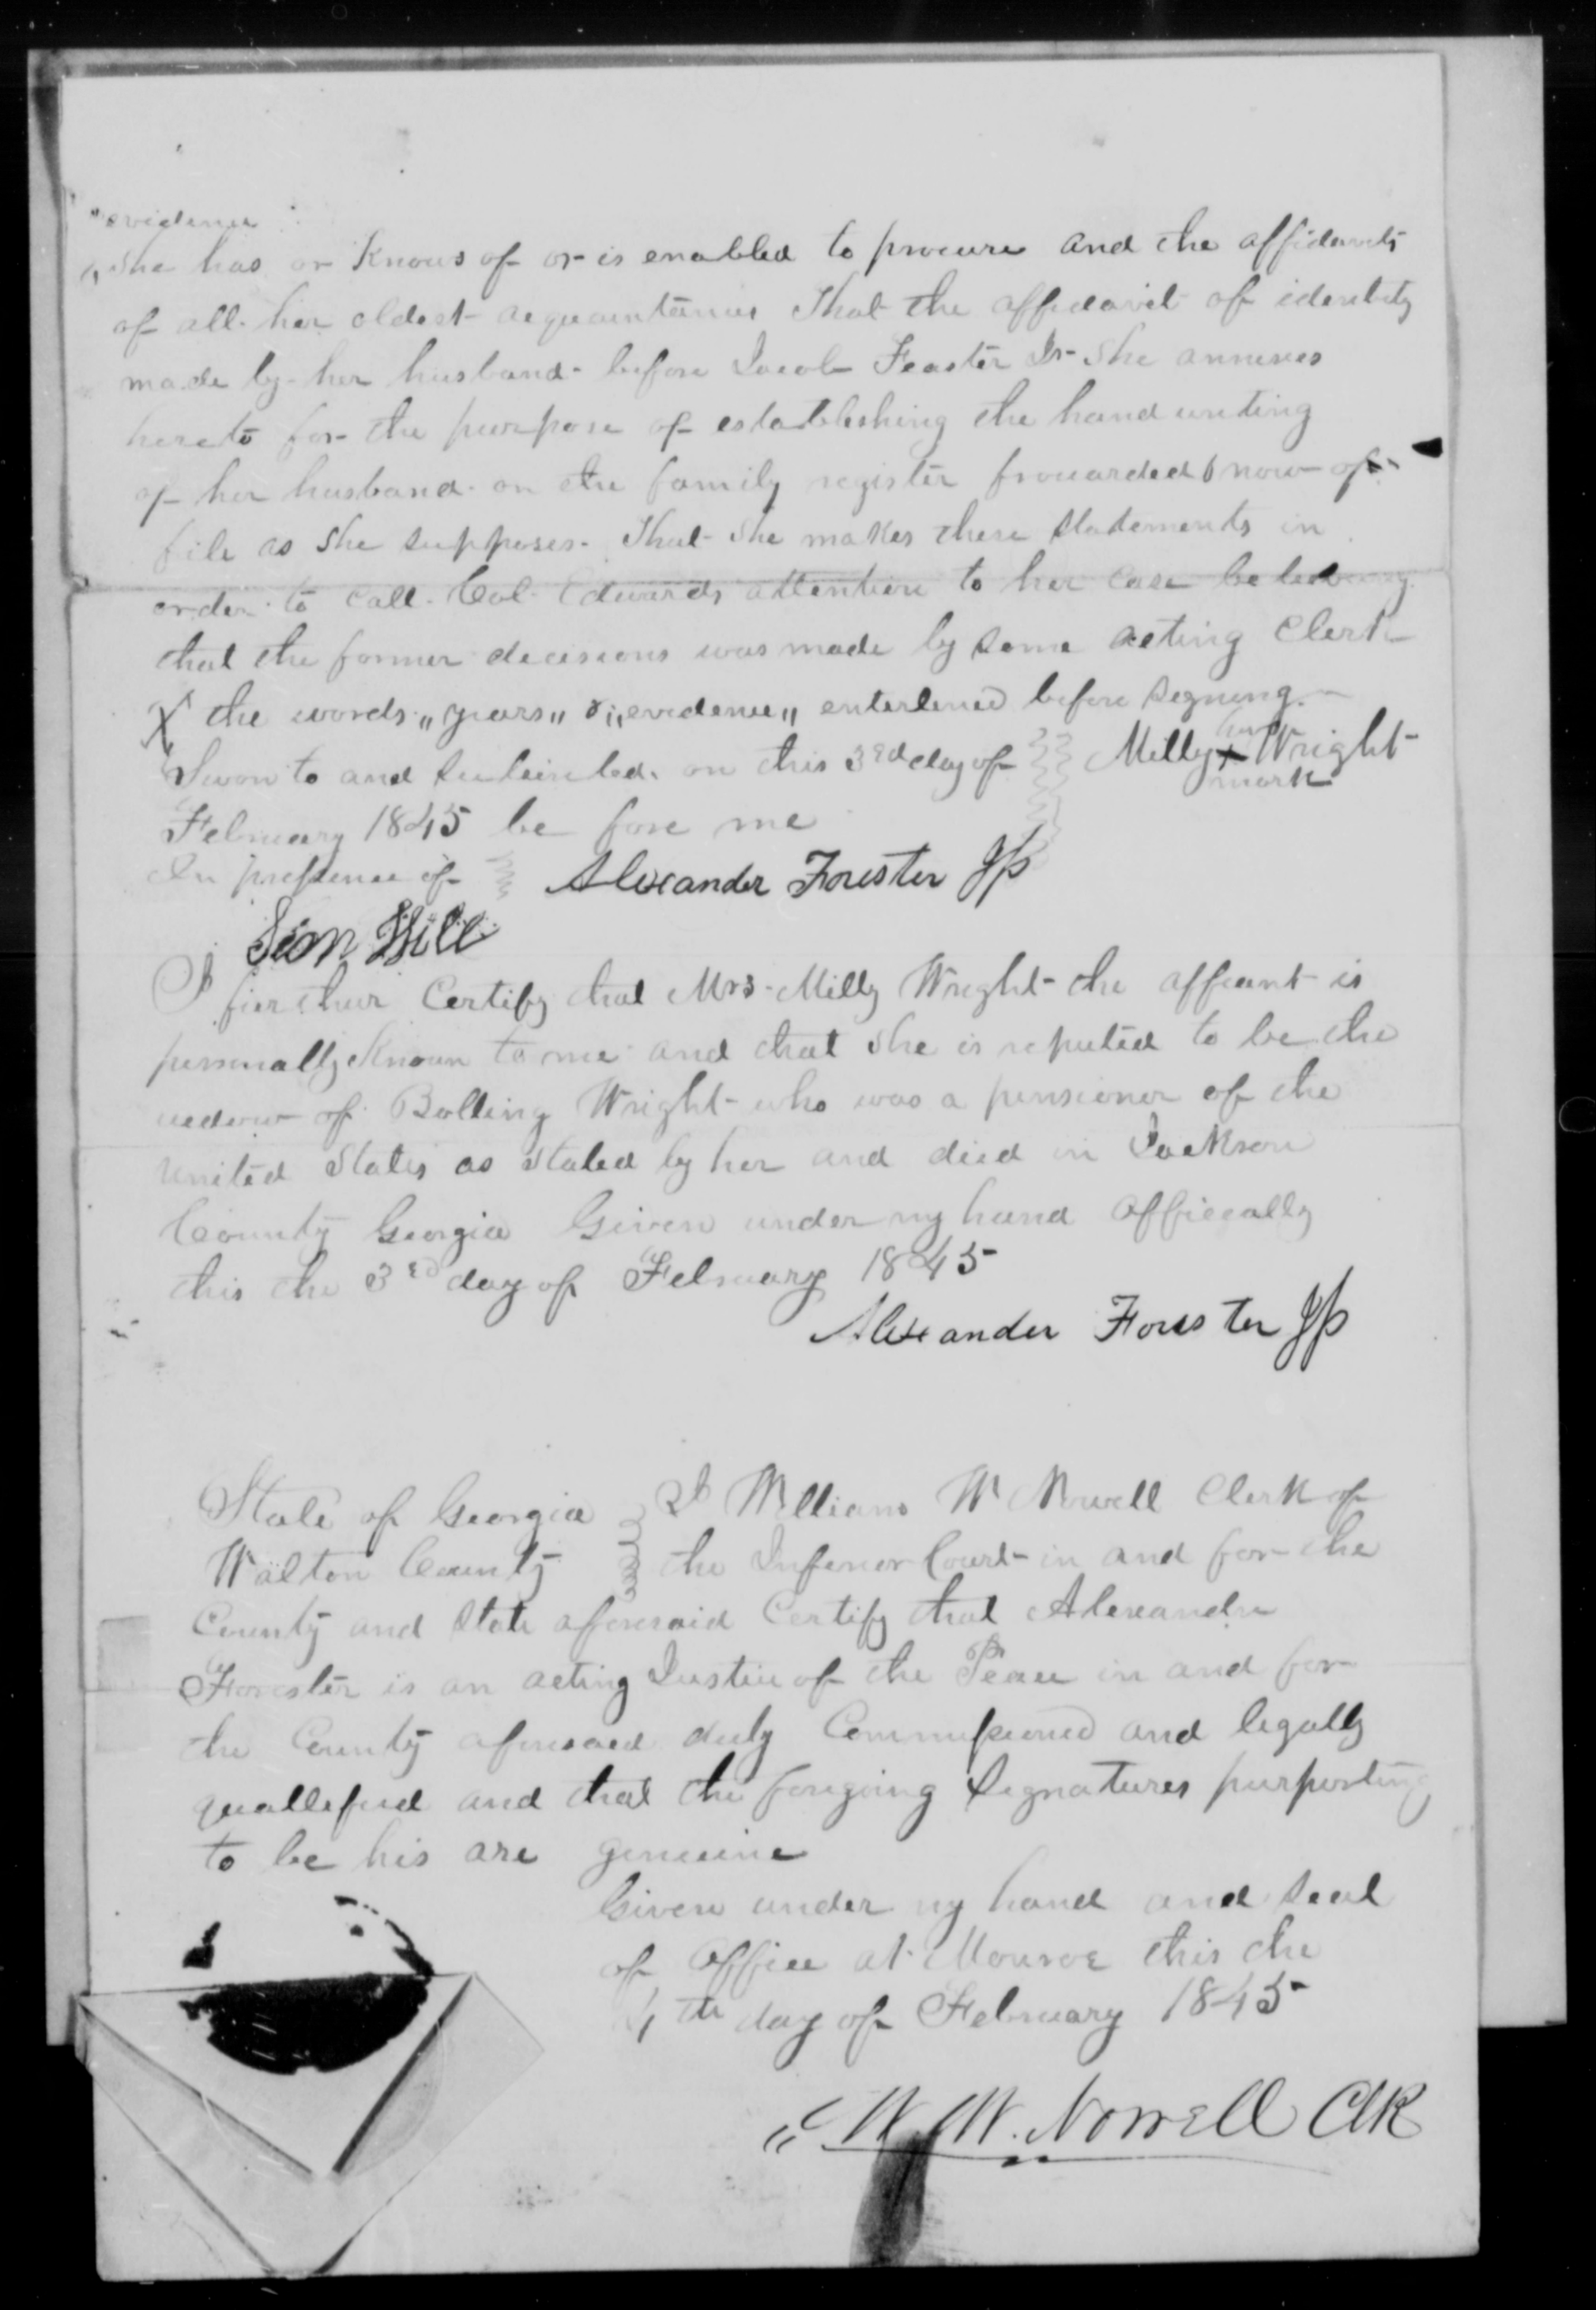[inserted: evidence] has or knows of or is enabled to procure and the affidavits
all her oldest acquaintances That the affidavit of identity
made by her husband before Jacob Feaster Jr she annexes
hereto for the purpose of establishing the hand writing
of her husband of the family register frowarded now of
file as she supposes. That she makes these statements in
order to call Col Edwards attention to her case believing
that the former decisions was made by some acting Clerk
X the words "years" "evidence" enterlined before signing.
Milly X her mark Wright
Sworn to and subscirbed on this day 
February 1845 before me
In pressence of Alexander Forester JP
Sim Hill

I further certify that Mrs Milly Wright the affiant is
personally known to me and that she is reputed to be the
widow of Bolling Wright who was a pensioner of the
United States as stated by her and died in Jackson
County Georgia Given under my hand officially
this the 3rd day of February 1845
Alexander Forester JP

State of Georgia  I William W Nowell Clerk of
Walton County ⎬ the Inferior Court in and for the
County and State aforesaid Certify that Alexander
Forester is an acting Justice of the Peace in and for
the County aforesaid duly commissioned and legally
quallified and that the foregoing Signatures purporting
to be his are genuine
Given under my hand and seal
of Office at Monroe this the
4th day of February 1845
W.W. Nowell Clk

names: William W Nowell, Bolling Wright, Milly Wright, Sim Hill, Alexander Forester, Jacob Feaster, Edwards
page: 68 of 81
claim: widow's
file: W. 5183, Bolling Wright, Va.